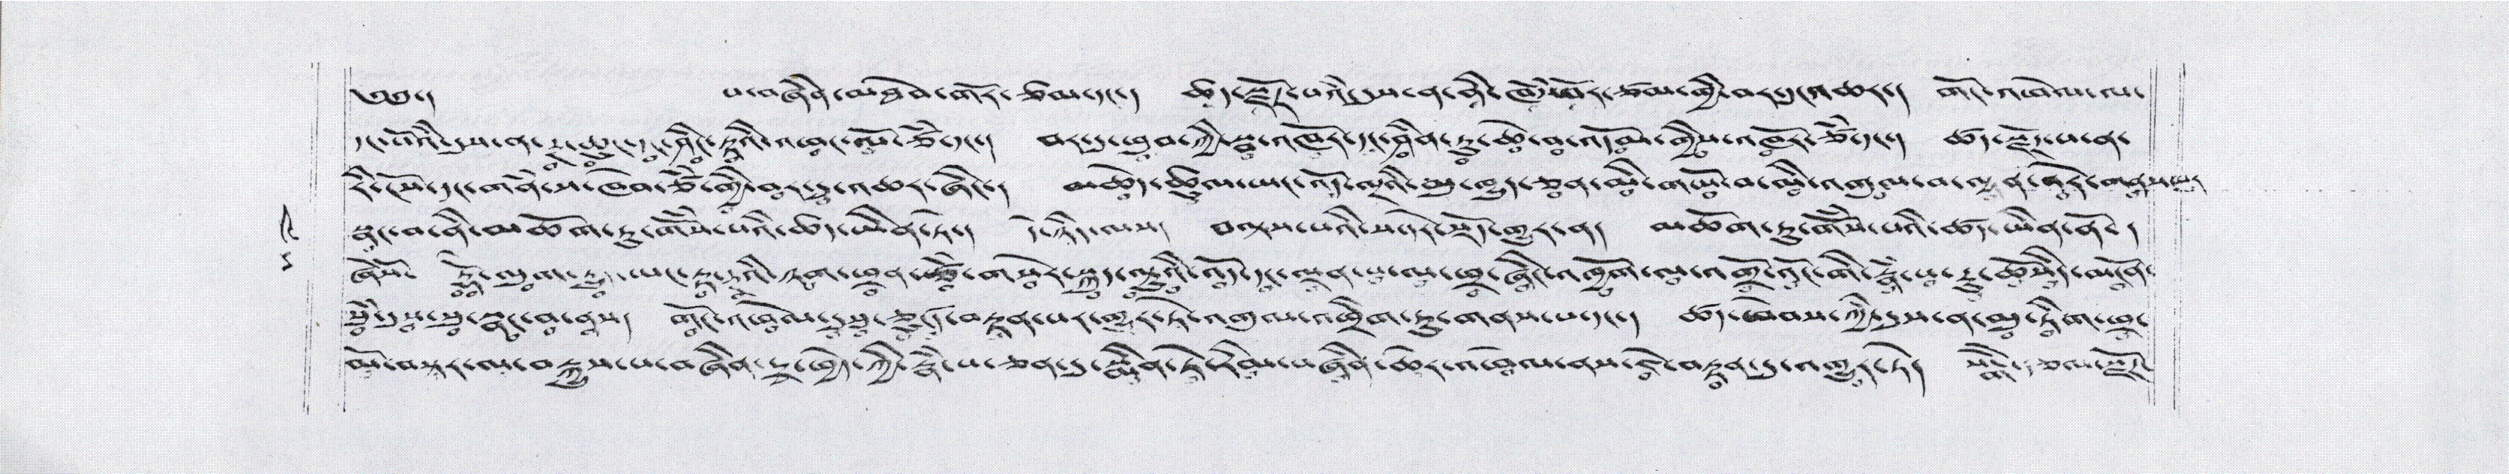པ་བཞིན་མཐེབ་གོང་ཙམ་དང་། ཚད་རྫོགས་པའི་དུས་ན་ནི་ཁམ་ཕོར་ཙམ་གྱི་བར་དུ་འཆར། གོང་འཕེལ་ལ་
དང་པོའི་དུས་ན་རྔ་ཆུང་དང་ཤིང་རྟའི་འཕང་ལོ་ཙམ་དང་། བར་དུ་ཕུབ་ཀྱི་སྦ་འཁོར་དང་ཤིན་ཏུ་ཆེ་བ་འདོམ་གྱི་འཁོར་ཙམ་དང་། ཚད་རྫོགས་པ་ན་
རི་ངོས་དང་གནམ་ས་ཁེབས་ཙམ་གྱི་བར་དུ་འཆར་ཞིང་། མཆེད་ཚུལ་ཡང་འོད་ལྔའི་མུ་ཁྱུད་ཅན་མི་གཡོ་བ་མི་འགུལ་བ་ལྷན་ནེར་གནས་པ། 
སྣང་བ་ནི་མཆོག་ཏུ་གོམས་པའི་ཚད་ཡིན་ཏེ། དེ་ཉིད་ལས། བལྟས་པའི་ས་དེར་སྡོད་གྱུར་ན། མཆོག་ཏུ་གོམས་པའི་ཚད་ཡིན་ནོ། 
ཞེས་སོ། རྡོ་རྗ་ལུག་རྒྱུད་ཡང་རྟ་རྔའི་ཉག་ཕྲན་ཙམ་གསེར་སྐུད་ལྟ་བུའི་འོད་དང་ལྡན་པ་ལ་ཕྲ་ཞིང་འགྱོགས་ལ་འགྲོ་འོང་གི་རྣམ་པ་ལྟ་བུ་ཆོས་ཉིད་མངོན་
སུམ་དུས་སུ་སྣང་བ་ནས། གོང་འཕེལ་དུས་སུ་ཅུང་ཟད་བརྟན་པར་གྱུར་ཏེ་འགུལ་འགྲིག་ཏུ་ཏུ་གནས་པ་དང་། ཚད་ཕེབས་ཀྱི་དུས་ན་མུ་ཏིག་ཕྲ་
མོ་བསྟར་ལ་བརྒྱུས་པ་བཞིན་དྲྭ་ཕྱེད་ཀྱི་རྣམ་པ་ཅན་དུ་སྨིན་ཏེ་རིམ་བཞིན་ཆེར་འཕེལ་ནས་ཇེ་བརྟན་དུ་འགྱུར་ཏེ། སེང་གེ་རྩལ་རྫོགས་